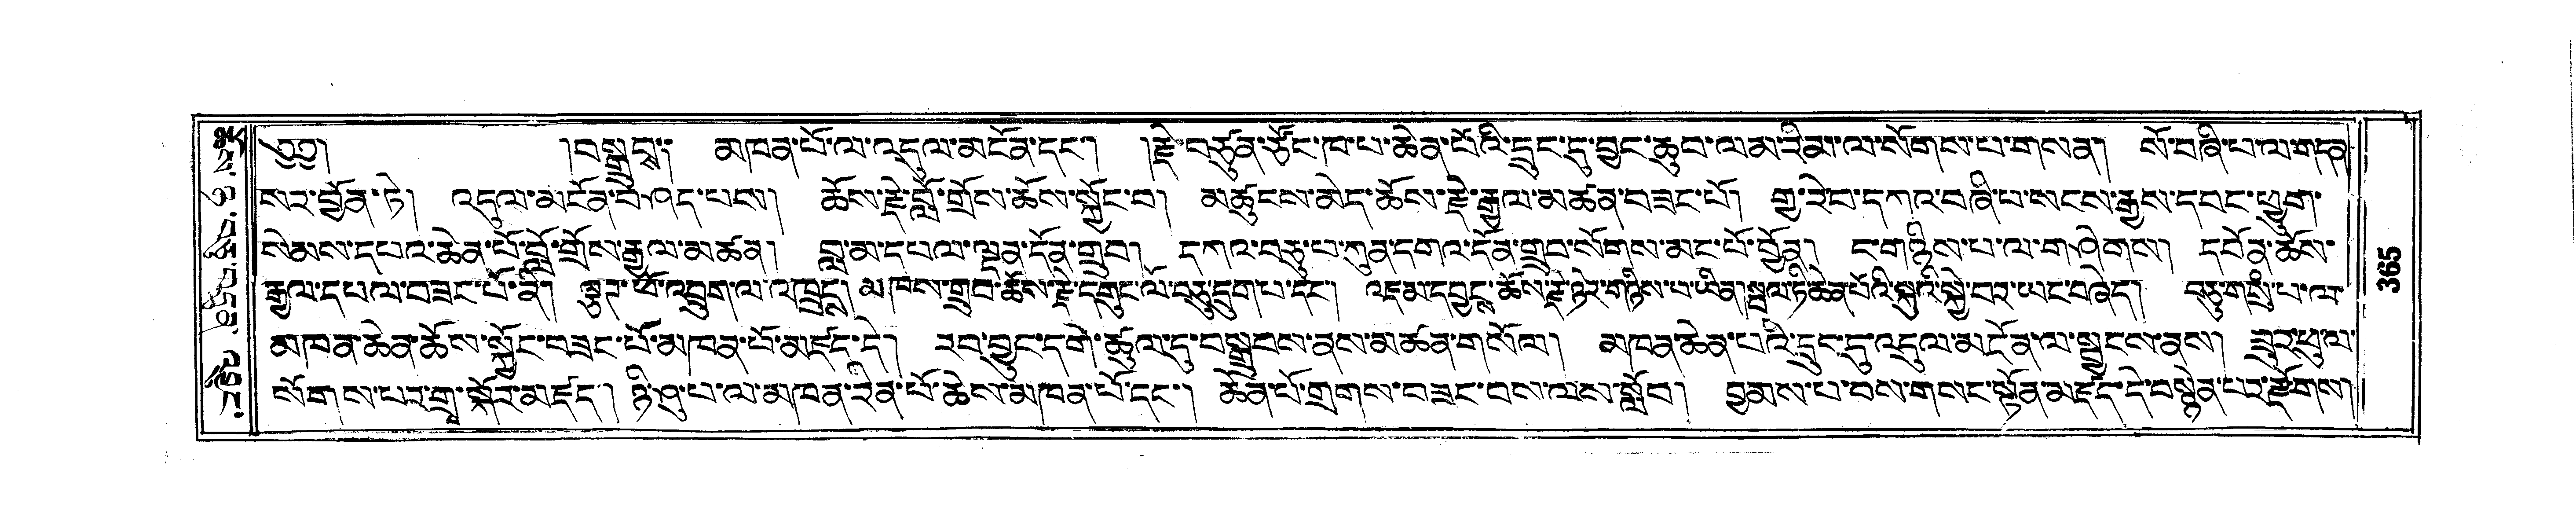༄༅། །བསྒྲུབས༑ མཁན་པོ་ལ་འདུལ་མངོན་དང་། །རྗེ་བཙུན་ཙོང་ཁ་པ་ཆེན་པོའི་དྲུང་དུ་བྱང་ཆུབ་ལམ་རིམ་ལ་སོགས་པ་གསན། སོ་བཞི་པ་ལ་གདན་
སར་བྱོན་ཏེ། འདུལ་མངོན་བཤད་པས། ཆོས་རྗེ་བློ་གྲོས་ཆོས་སྐྱོང་བ། མཚུངས་མེད་ཆོས་རྗེ་རྒྱལ་མཚན་བཟང་པོ། གྱ་རེ་བ་དཀའ་བཞི་པ་སངས་རྒྱས་དབང་ཕྱུག་
སེམས་དཔའ་ཆེན་པོ་བློ་གྲོས་རྒྱལ་མཚན། བླ་མ་དཔལ་ལྡན་དོན་གྲུབ། དཀའ་བཅུ་པ་ཀུན་དགའ་དོན་གྲུབ་སོགས་མང་པོ་བྱོན། ང་གཉིས་པ་ལ་གཤེགས། དབོན་ཆོས་
རྒྱལ་དཔལ་བཟང་པོ་ནི། ལྕཊ་ཕོ་འབྲུག་ལ་འཁྲུངས། མཁས་གྲུབ་ཆོས་རྗེ་དགུང་ལོ་བཅུ་དྲུག་པ་དང་། འཇམ་དབྱངས་ཆོས་རྗེ་ཉེར་གཉིས་པ་ཡིན། སྦལ་ཏི་ཆེན་པོའི་སྐུའི་སྐྱེ་བར་ཡང་བཞེད། བཅུ་གསུཾ་པ་ལ་
མཁན་ཆེན་ཆོས་སྐྱོང་བཟང་པོ་མཁན་པོ་མཛད་དེ། རབ་བྱུང་དགེ་ཚུལ་དུ་བསྒྲུབས་ནས་མཚན་གསོལ། མཁན་ཆེན་པའི་དྲུང་དུ་འདུལ་མངོན་ལ་སྦྱངས་ནས། ཟུར་ཕུལ་
སོགས་པར་གྲྭ་སྐོར་མཛད། ཉི་ཤུ་པ་ལ་མཁན་རིན་པོ་ཆེས་མཁན་པོ་དང་། ཆེན་པོ་གྲགས་བཟང་བས་ལས་སློབ། བྱམས་པ་བས་གསང་སྟོན་མཛད་དེ་བསྙེན་པར་རྫོགས།